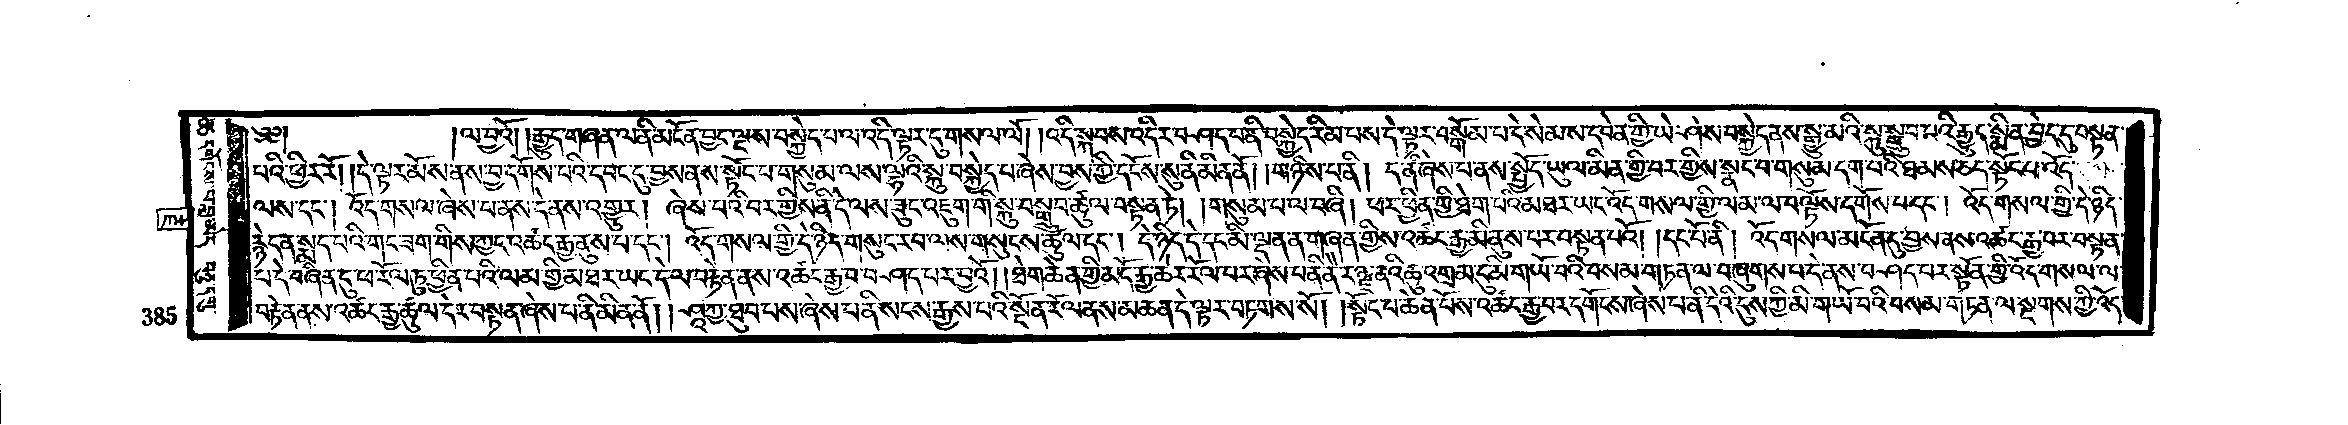༄༅། །ལ་བྱའོ། །རྒྱུད་གཞན་ལ་ནི་མངོན་བྱང་ལྔས་བསྐྱེད་པ་ལ་འདི་ལྟར་དུ་གསལ་ལོ། །འདི་སྐབས་འདིར་བཤད་པ་ནི་བསྐྱེད་རིམ་པས་དེ་ལྟར་བསྒོམ་པ་དེ་སེམས་དབེན་གྱི་ཡེ་ཤེས་བསྐྱེད་ནས་སྒྱུ་མའི་སྐུ་སྒྲུབ་པའི་རྒྱུད་སྨིན་བྱེད་དུ་བསྟན་
པའི་ཕྱིར་རོ། །དེ་ལྟར་མོས་ནས་བྱ་དགོས་པའི་དབང་དུ་བྱས་ནས་སྟོང་པ་གསུམ་ལས་ལྷའི་སྐུ་བསྐྱེད་པ་ཞེས་བྱས་ཀྱི་དངོས་སུ་ནི་མིན་ནོ། །གཉིས་པ་ནི། ད་ནི་ཞེས་པ་ནས་སྤྱོད་ཡུལ་མིན་གྱི་བར་གྱིས་སྣང་བ་གསུམ་དག་པའི་ཐམས་ཅད་སྟོང་པ་འོད་གསལ་
ལས་དང་། འོད་གསལ་ཞེས་པ་ནས་དེ་ནས་འགྱུར། ཞེས་པའི་བར་གྱིས་ནི་དེ་ལས་ཟུང་འཇུག་གི་སྐུ་བསྒྲུབ་ཚུལ་བསྟན་ཏོ། །གསུམ་པ་ལ་བཞི། ཕར་ཕྱིན་གྱི་ཐེག་པའི་མཐར་ཡང་འོད་གསལ་གྱི་ལམ་ལ་བལྟོས་དགོས་པ་དང་། འོད་གསལ་གྱི་དེ་ཉིད་
རྙེད་ན་སྨད་པའི་གང་ཟག་གིས་ཀྱང་འཚང་རྒྱ་ནུས་པ་དང་། འོད་གསལ་གྱི་དེ་ཉིད་གསུང་རབ་ལས་གསུངས་ཚུལ་དང་། དེ་ཉིད་དེ་དང་མི་ལྡན་ན་གཞན་གྱིས་འཚང་རྒྱ་མི་ནུས་པར་བསྟན་པའོ། །དང་པོ་ནི། འོད་གསལ་མངོན་དུ་བྱས་ནས་འཚང་རྒྱ་བར་བསྟན་
པ་དེ་བཞིན་དུ་ཕ་རོལ་ཏུ་ཕྱིན་པའི་ལམ་གྱི་མཐར་ཡང་དེ་ལ་བརྟེན་ནས་འཚང་རྒྱ་བ་བཤད་པར་བྱའོ། །ཐེག་ཆེན་གྱི་མདོ་རྒྱ་ཆེར་རོལ་པར་ཞེས་པ་ནི་ནཻ་ནྲཡྫ་ནའི་ཆུ་འགྲམ་དུ་མི་གཡོ་བའི་བསམ་གཏན་ལ་བཞུགས་པ་དེ་ནས་བཤད་པར་སྟོན་གྱི་འོད་གསལ་ལ་
བརྟེན་ནས་འཚང་རྒྱ་ཚུལ་དེར་བསྟན་ཞེས་པ་ནི་མིན་ནོ། །ཤཱཀྱ་ཐུབ་པས་ཞེས་པ་ནི་སངས་རྒྱས་པའི་སྔོན་རོལ་ནས་མཚན་དེ་ལྟར་བཏགས་སོ། །སྟོང་པ་ཆེན་པོས་འཚང་རྒྱ་བར་དགོངས་ཞེས་པ་ནི་དེའི་དུས་ཀྱི་མི་གཡོ་བའི་བསམ་གཏན་ལ་སྔགས་ཀྱི་འོད་